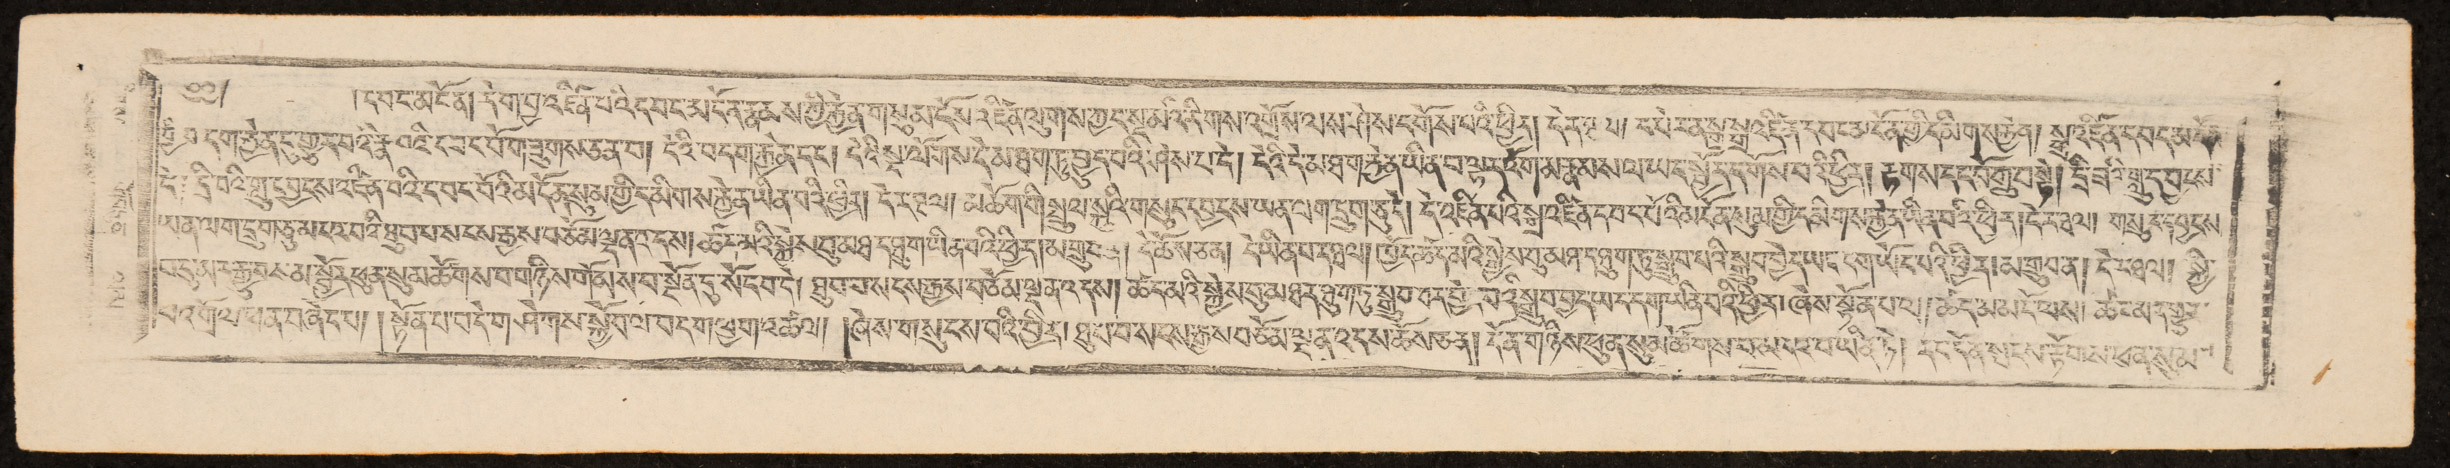༄༅། །དབང་མངོན། རེག་བྱ་འཛིན་པའི་དབང་མངོན་རྣམས་ཀྱི་རྐྱེན་གསུམ་ངོས་འཛིན་ལུགས་ཀྱང་སྔ་མའི་རིགས་འགྲོས་ལས་ཤེས་དགོས་པའི་ཕྱིར། དེར་ཐལ། དཔེར་ན་སྒྲ་སྒྲ་འཛིན་དབང་མངོན་གྱི་དམིགས་རྐྱེན། སྒྲ་འཛིན་དབང་མངོན་
གྱི་བདག་རྐྱེན་དུ་གྱུར་པའི་རྣ་བའི་དབང་པོ་གཟུགས་ཅན་པ། དེའི་བདག་རྐྱེན་དང་། དེའི་སྔ་ལོགས་དེ་མ་ཐག་ཏུ་བྱུང་བའི་ཤེས་པ་དེ། དེའི་དེ་མ་ཐག་རྐྱེན་ཡིན་པ་ལྟར་འོག་མ་རྣམས་ལ་ཡང་སྦྱོང་དགོས་པའི་ཕྱིར། རྟགས་དང་པོ་གྲུབ་སྟེ། དྲི་ཟའི་གླུ་དབྱངས་
དེ། དྲི་ཟའི་གླུ་དབྱངས་འཛིན་པའི་དབང་པོའི་མངོན་སུམ་གྱི་དམིགས་རྐྱེན་ཡིན་པའི་ཕྱིར། དེར་ཐལ། མཆོག་གི་སྤྲུལ་སྐུའི་གསུང་དབྱངས་ཡན་ལག་དྲུག་ཅུ་དེ། དེ་འཛིན་པའི་སྒྲ་འཛིན་དབང་པོའི་མངོན་སུམ་གྱི་དམིགས་རྐྱེན་ཡིན་པའི་ཕྱིར། དེར་ཐལ། གསུངས་དབྱངས་
ཡན་ལག་དྲུག་ཅུ་མངའ་བའི་ཐུབ་པ་སངས་རྒྱས་བཅོམ་ལྡན་འདས། ཚད་མའི་སྐྱེས་བུམ་མཐར་ཐུག་ཡིན་པའི་ཕྱིར། མ་གྲུབ་ན། དེ་ཆོས་ཅན། དེ་ཡིན་པར་ཐལ། ཁྱོད་ཚད་མའི་སྐྱེས་བུམ་མཐར་ཐུག་ཏུ་སྒྲུབ་པའི་སྒྲུབ་བྱེད་ཡང་དག་ཡོད་པའི་ཕྱིར། མ་གྲུབ་ན། དེར་ཐལ། སྐྱེ་
བ་དུ་མར་རྒྱུ་བསམ་སྦྱོར་ཕུན་སུམ་ཚོགས་པ་གཉིས་གོམས་པ་སྔོན་དུ་སོང་བ་དེ། ཐུབ་པ་སངས་རྒྱས་བཅོམ་ལྡན་འདས། ཚད་མའི་སྐྱེས་བུ་མཐར་ཐུག་ཏུ་སྒྲུབ་པར་བྱེད་པའི་སྒྲུབ་བྱེད་ཡང་དག་ཡིན་པའི་ཕྱིར། ཞེས་སྟོན་པ་ལ། ཚད་མ་མདོ་ལས། ཚ་མར་གྱུར་
པ་འགྲོ་ལ་ཕན་བཞེད་པ། །སྟོན་པ་བདེ་གཤེགས་སྐྱོབ་ལ་བདག་ཕྱགས་འཚལ། །ཞེས་གསུངས་པའི་ཕྱིར། ཐུབ་པ་སངས་རྒྱས་བཅོམ་ལྡན་འདས་ཆོས་ཅན། དོན་གཉིས་ཕུན་སུམ་ཚོགས་པ་མངའ་བ་ཡིན་ཏེ། རང་དོན་སྤངས་རྟོགས་ཕུན་སུམ་